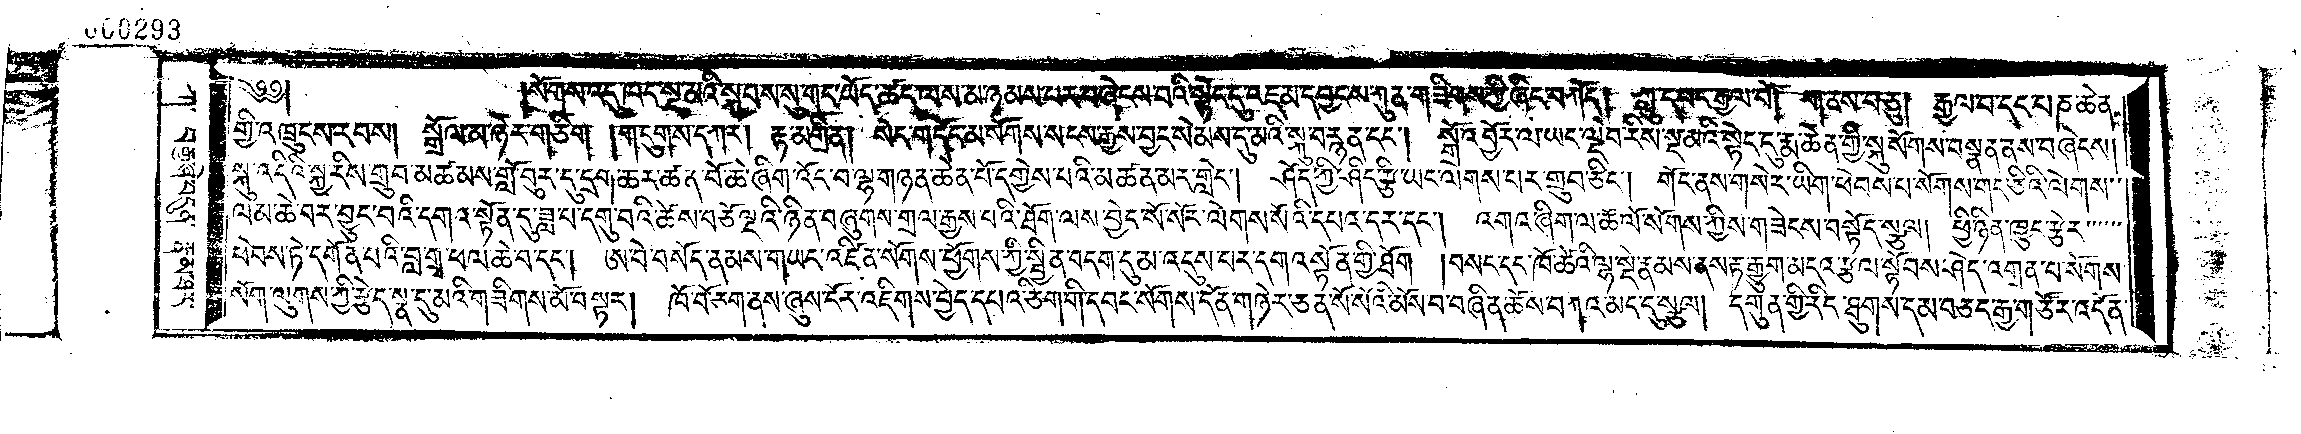༄༅། །སོགས་འདུ་ཁང་སྔ་མའི་སྐབས་སུ་གང་ཡོད་ཚད་ལས་མ་ཉམས་པར་བཞེངས་པའི་སྟེང་དུ་འཇམ་དབྱངས་ཀུན་གཟིགས་ཀྱི་ཞིང་བཀོད། ཀླུ་དབང་རྒྱལ་པོ། གནས་བཅུ། རྒྱལ་བ་དང་པཎ་ཆེན་
གྱི་འཁྲུངས་རབས། སྒྲོལ་མ་ཉེར་གཅིག །གདུགས་དཀར། རྟ་མགྲིན། སེང་གདོང་མ་སོགས་སངས་རྒྱས་བྱང་སེམས་དུ་མའི་སྐུ་བརྙན་དང་། སྒོ་འབྱོར་ལ་ཡང་ལྡེབ་རིས་སྔ་མའི་སྟེང་དུ་རྨ་ཆེན་གྱི་སྐུ་སོགས་བསྣན་ནས་བཞེངས།
སྐུ་འདིའི་སྐྱ་རིས་གྲུབ་མཚམས་གློ་བུར་དུ་དྲག་ཆར་ཚན་པོ་ཆེ་ཞིག་འོང་བ་ལྷ་གཉན་ཆེན་པོ་དགྱེས་པའི་མཚན་མར་གླེང་། ཤོད་ཀྱི་ཤིང་རྩི་ཡང་ལེགས་པར་གྲུབ་ཅིང་། གོང་ནས་གསེར་ཡིག་ཕེབས་པ་སོགས་གང་ཅིའི་ལེགས་
ལམ་ཆེ་བར་བྱུང་བའི་དགའ་སྟོན་དུ་ཟླ་བ་དགུ་པའི་ཚེས་བཅོ་ལྔའི་ཉིན་བཞུགས་གྲལ་རྒྱས་པའི་ཐོག་ལས་བྱེད་སོ་སོར་ལེགས་སོའི་དཔའ་དར་དང་། འགའ་ཞིག་ལ་ཆོ་ལོ་སོགས་ཀྱིས་གཟེངས་བསྟོད་སྩལ། ཕྱི་ཉིན་ཁྱུང་རྩེར་
ཕེབས་ཏེ་དགོན་པའི་བླ་གྲྭ་ཕལ་ཆེ་བ་དང་། ཨ་བེ་བསོད་ནམས་གཡང་འཛིན་སོགས་ཕྱོགས་ཀྱི་སྦྱིན་བདག་དུ་མ་འདུས་པར་དགའ་སྟོན་གྱི་ཐོག །བསང་དང་ཁོ་ཚེའི་ལྷ་སྡེ་རྣམས་ནས་རྟ་རྒྱུག་མདའ་རྩལ་སྟོབས་ཤེས་འགྲན་པ་སོགས་
སོག་ལུགས་ཀྱི་རྩེད་སྣ་དུ་མའི་གཟིགས་མོ་བསྟར། ཁོ་བོ་ཅག་ནས་ཞུས་ངོར་འཇིགས་བྱེད་དཔའ་ཅིག་གི་དབང་སོགས་དོན་གཉེར་ཅན་སོ་སོའི་མོས་པ་བཞིན་ཆོས་བཀའ་མང་དུ་སྩལ། དགུན་གྱི་རིང་ཐུགས་དམ་བཅད་རྒྱ་གཙོར་འདོན་